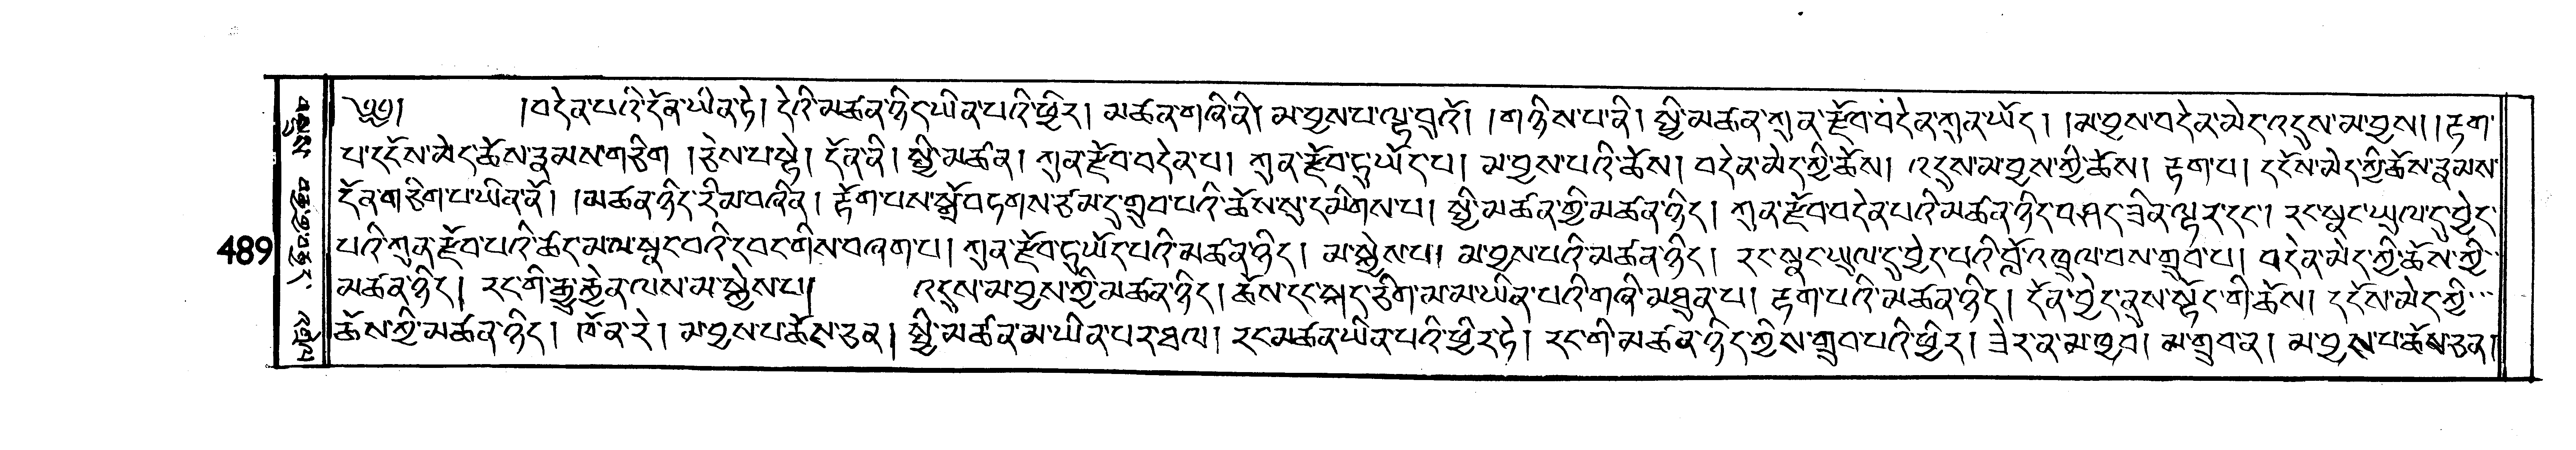༄༅། །བདེན་པའི་དོན་ཡིན་ཏེ། དེའི་མཚན་ཉིད་ཡིན་པའི་ཕྱིར། མཚན་གཞི་ནི། མ་བྱས་པ་ལྟ་བུའོ། །གཉིས་པ་ནི། སྤྱི་མཚན་ཀུན་རྫོབ་བདེན་ཀུན་ཡོད། །མ་བྱས་བདེན་མེད་འདུས་མ་བྱས། །རྟག་
པ་དངོས་མེད་ཆོས་རྣམས་གཅིག །ཅེས་པ་སྟེ། དོན་ནི། སྤྱི་མཚན། ཀུན་རྫོབ་བདེན་པ། ཀུན་རྫོབ་ཏུ་ཡོད་པ། མ་བྱས་པའི་ཆོས། བདེན་མེད་ཀྱི་ཆོས། འདུས་མ་བྱས་ཀྱི་ཆོས། རྟག་པ། དངོས་མེད་ཀྱི་ཆོས་རྣམས་
དོན་གཅིག་པ་ཡིན་ནོ། །མཚན་ཉིད་རིམ་བཞིན། རྟོག་པས་སྒྲོ་བཏགས་ཙམ་དུ་གྲུབ་པའི་ཆོས་སུ་དམིགས་པ། སྤྱི་མཚན་གྱི་མཚན་ཉིད། ཀུན་རྫོབ་བདེན་པའི་མཚན་ཉིད་བཤད་ཟིན་ལྟར་དང་། རང་སྣང་ཡུལ་དུ་བྱེད་
པའི་ཀུན་རྫོབ་པའི་ཚད་མ་ལ་སྣང་བའི་དབང་གིས་བཞག་པ། ཀུན་རྫོབ་ཏུ་ཡོད་པའི་མཚན་ཉིད། མ་སྐྱེས་པ། མ་བྱས་པའི་མཚན་ཉིད། རང་སྣང་ཡུལ་དུ་བྱེད་པའི་བློ་འཁྲུལ་པས་གྲུབ་པ། བདེན་མེད་ཀྱི་ཆོས་ཀྱི་
མཚན་ཉིད། རང་གི་རྒྱུ་རྐྱེན་ལས་མ་སྐྱེས་པ། འདུས་མ་བྱས་ཀྱི་མཚན་ཉིད། ཆོས་དང་སྐད་ཅིག་མ་མ་ཡིན་པའི་གཞི་མཐུན་པ། རྟག་པའི་མཚན་ཉིད། དོན་བྱེད་ནུས་སྟོང་གི་ཆོས། དངོས་མེད་ཀྱི་
ཆོས་ཀྱི་མཚན་ཉིད། ཁོ་ན་རེ། མ་བྱས་པ་ཆོས་ཅན། སྤྱི་མཚན་མ་ཡིན་པར་ཐལ། རང་མཚན་ཡིན་པའི་ཕྱིར་ཏེ། རང་གི་མཚན་ཉིད་ཀྱིས་གྲུབ་པའི་ཕྱིར། ཟེར་ན་མ་ཁྱབ། མ་གྲུབ་ན། མ་བྱས་པ་ཆོས་ཅན།